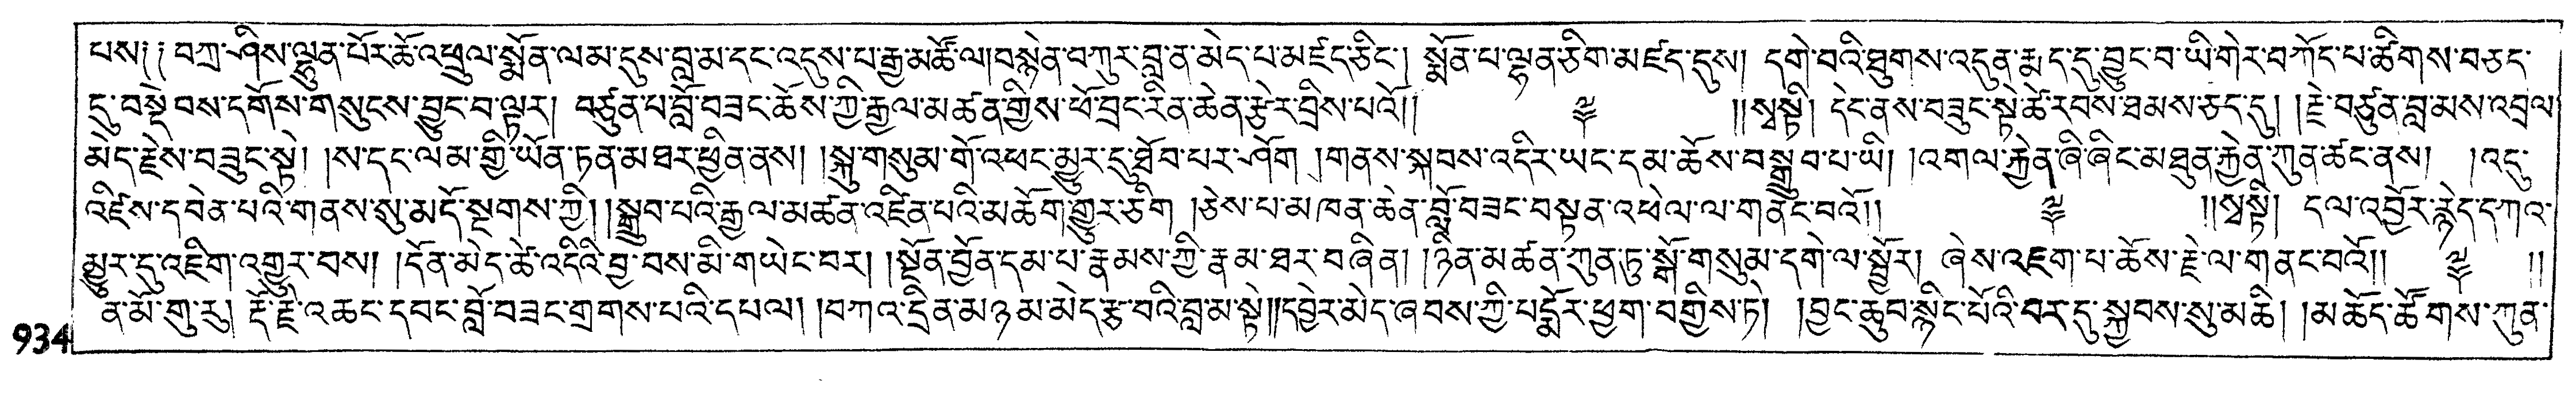པས། །བཀྲ་ཤིས་ལྷུན་པོར་ཆོ་འཕྲུལ་སྨོན་ལམ་དུས་བླ་མ་དང་འདུས་པ་རྒྱ་མཚོ་ལ། བསྙེན་བཀུར་བླ་ན་མེད་པ་མཛད་ཅིང་། སྨོན་པ་ལྷན་ཅིག་མཛད་དུས། དགེ་བའི་ཐུགས་འདུན་རྨད་དུ་བྱུང་བ་ཡི་གེར་བཀོད་པ་ཚིགས་བཅད་
དུ་བསྡེབས་དགོས་གསུངས་བྱུང་བ་ལྟར། བཙུན་པ་བློ་བཟང་ཆོས་ཀྱི་རྒྱལ་མཚན་གྱིས་ཕོ་བྲང་རིན་ཆེན་རྩེར་བྲིས་པའོ།། ༈ །།སྭསྟི། དེང་ནས་བཟུང་སྟེ་ཚེ་རབས་ཐམས་ཅད་དུ། །རྗེ་བཙུན་བླ་མས་འབྲལ་
མེད་རྗེས་བཟུང་སྟེ། །ས་དང་ལམ་གྱི་ཡོན་ཏན་མཐར་ཕྱིན་ནས། །སྐུ་གསུམ་གོ་འཕང་མྱུར་དུ་ཐོབ་པར་ཤོག །གནས་སྐབས་འདིར་ཡང་དམ་ཆོས་བསྒྲུབ་པ་ཡི། །འགལ་རྐྱེན་ཞི་ཞིང་མཐུན་རྐྱེན་ཀུན་ཚང་ནས། །འདུ་
འཛིས་དབེན་པའི་གནས་སུ་མདོ་སྔགས་ཀྱི། །སྒྲུབ་པའི་རྒྱལ་མཚན་འཛིན་པའི་མཆོག་གྱུར་ཅིག །ཅེས་པ་མཁན་ཆེན་བློ་བཟང་བསྟན་འཕེལ་ལ་གནང་བའོ།། ༈ །།སྭསྟི། དལ་འབྱོར་རྙེད་དཀའ་
མྱུར་དུ་འཇིག་འགྱུར་བས། །དོན་མེད་ཚེ་འདིའི་བྱ་བས་མི་གཡེང་བར། །སྔོན་བྱོན་དམ་པ་རྣམས་ཀྱི་རྣམ་ཐར་བཞིན། །ཉིན་མཚན་ཀུན་ཏུ་སྒོ་གསུམ་དགེ་ལ་སྦྱོར། ཞེས་འཇག་པ་ཆོས་རྗེ་ལ་གནང་བའོ།། ༈ །།
ན་མོ་གུ་རུ། རྡོ་རྗེ་འཆང་དབང་བློ་བཟང་གྲགས་པའི་དཔལ། །བཀའ་དྲིན་མཉམ་མེད་རྩ་བའི་བླ་མ་སྟེ། །དབྱེར་མེད་ཞབས་ཀྱི་པདམོར་ཕྱག་བགྱིས་ཏེ། །བྱང་ཆུབ་སྙིང་པོའི་བར་དུ་སྐྱབས་སུ་མཆི། །མཆོད་ཚོགས་ཀུན་